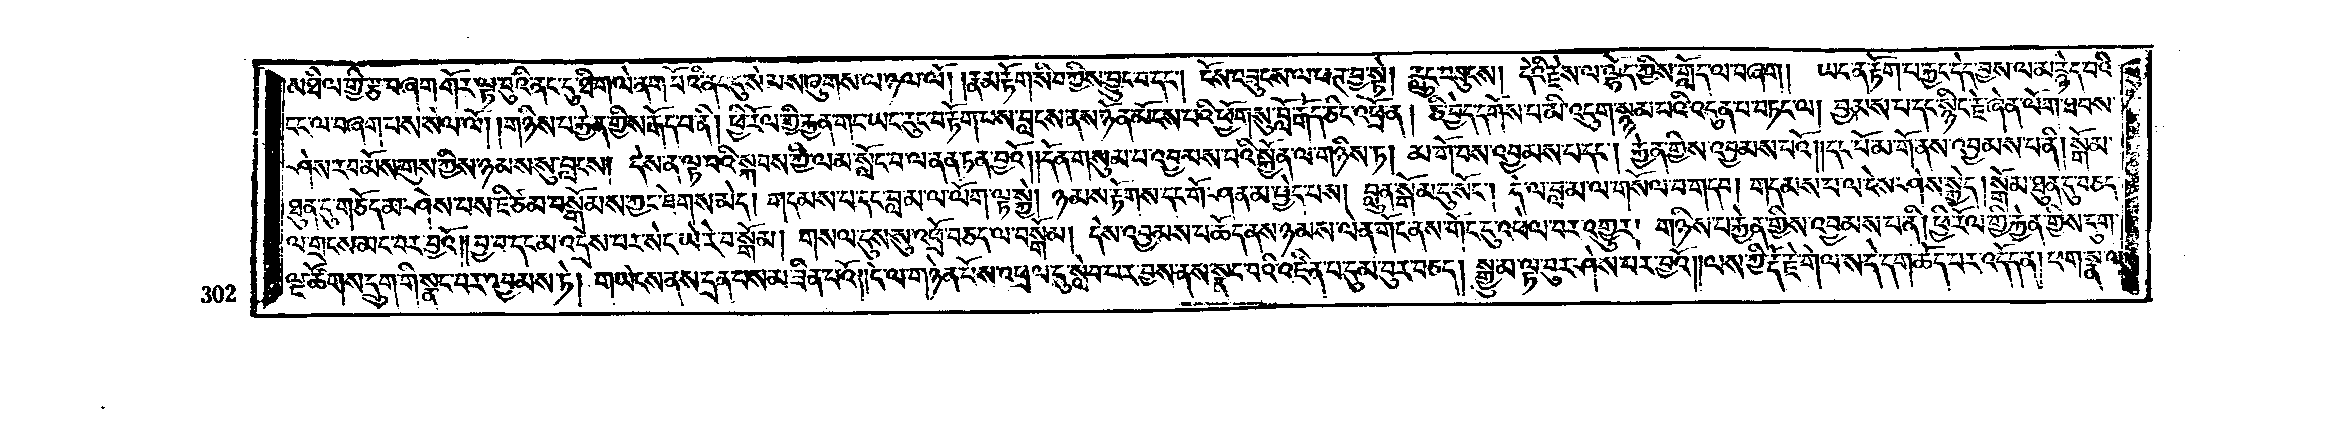མཐིལ་གྱི་རྩ་བཞག་གོར་ལྟ་བུའི་ནང་དུ་ཐིག་ལེ་ནག་པོའི་ནང་དུ་སེམས་ཞུགས་ལ་ཉལ་ལོ། །རྣམ་རྟོག་སིབ་ཀྱིས་བྱུང་བ་དང་། ངོས་བཟུངས་ལ་ཕཊ་བྱ་སྟེ། རླུང་བྠུངས། དེའི་རྗེས་ལ་ལྷོད་ཀྱིས་གློད་ལ་བཞག། ཡང་ན་རྟོག་པ་རྐྱང་དེད་བྱས་ལ་མ་རྙེད་པའི་
ངང་ལ་བཞག་པས་སེལ་ལོ། །གཉིས་པ་རྐྱེན་གྱིས་རྒོད་པ་ནི། ཕྱི་རོལ་གྱི་རྐྱན་གང་ཡང་རུང་བ་རྟོག་པས་བླངས་ནས་ཉོན་མོངས་པའི་ཕྱོགས་སུ་བློ་རྒོད་ཅིང་འཕྲོ་ན། ཅི་བྱེད་དགོས་པ་མི་འདུག་སྙམ་པའི་འདུན་པ་བཏང་ལ། བྱམས་པ་དང་སྙིང་རྗེ་ཞེན་ལོག་ཐབས་
ཤེས་རབ་མོས་གུས་ཀྱིས་ཉམས་སུ་བླངས། དེས་ན་ལྟ་བའི་སྐབས་ཀྱི་ལམ་སློང་བ་ལ་ནན་ཏན་བྱའོ། །དོན་གསུམ་པ་འབྱམས་པའི་སྐྱོན་ལ་གཉིས་ཏ། མ་གོ་བས་འབྱམས་པ་དང་། རྐྱེན་གྱིས་འབྱམས་པའོ། །དང་པོ་མ་གོ་ནས་འབྱམས་པ་ནི། སྒོམ་
ཐུན་དུ་གཅོད་མ་ཤེས་པས་ཇི་ཙམ་བསྒོམས་ཀྱང་ཐེགས་མེད། གདམས་པ་དང་བླ་མ་ལ་ལོག་ལྟ་སྐྱེ། ཉམས་རྟོགས་དང་གོ་ཤན་མ་ཕྱེད་པས། བླུན་སྒོམ་དུ་སོང་། དེ་ལ་བླ་མ་ལ་གསོལ་བ་གདབ། གདམས་པ་ལ་ངེས་ཤེས་སྐྱེད། སྒོམ་ཐུན་དུ་བཅད་
ལ་གྲངས་མང་བར་བྱའོ། །བྱ་བ་དང་མ་འདྲེས་པར་སེང་ཡེ་རེ་བ་སྒོམ། གསལ་དུས་སུ་འཕྲོ་བཅད་ལ་བསྒོམ། དེས་འབྱམས་པ་ཆོད་ནས་ཉམས་ལེན་གོང་ནས་གོང་དུ་འཕེལ་བར་འགྱུར། གཉིས་པ་རྐྱེན་གྱིས་འབྱམས་པ་ནི། ཕྱི་རོལ་གྱི་རྐྱེན་གྱིས་དུག་
ལྔ་ཚོགས་དྲུག་གི་སྣང་བར་འབྱམས་ཏེ། གཡེངས་ནས་དྲན་པས་མ་ཟིན་པའོ། །དེ་ལ་གཉེན་པོས་འཕྲལ་དུ་སླེབ་པར་བྱས་ནས་སྣང་བའི་འཛིན་པ་དུ་མ་བུར་བཅད། སྒྱུ་མ་ལྟ་བུར་ཤེས་པར་བྱའོ། །ལས་ཀྱི་རྡོ་རྗེ་གེལ་ས་དེ་དག་ཆོད་པར་འདོད་ན། ཕག་སྣ་ལ་